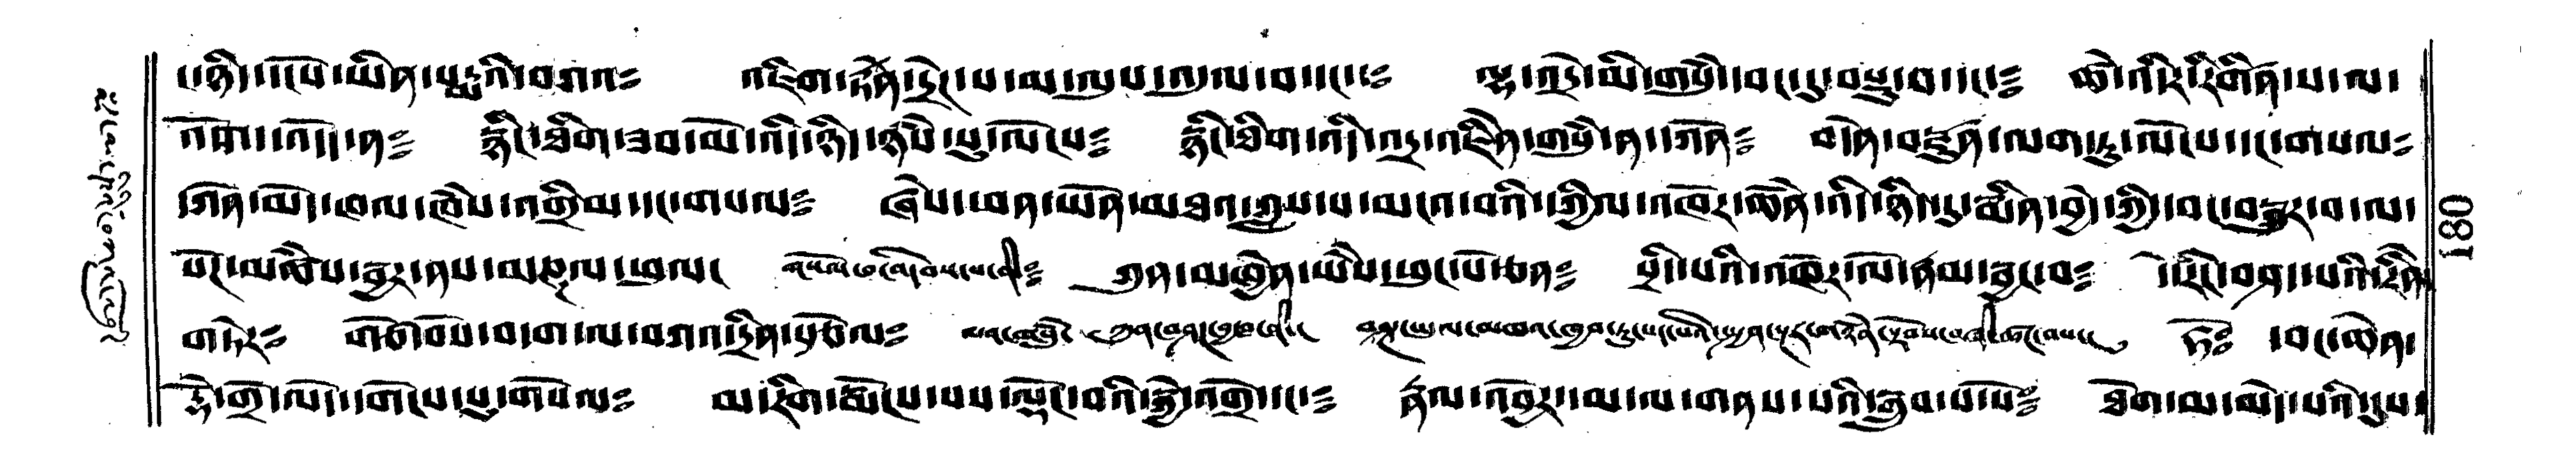ང་ཉིད་དངོས་ཡིན་པདྨའི་བཀའ༔ འཇིག་རྟེན་དྲེགས་པ་མ་ལུས་འདུལ་བ་དང༔ ལྷ་འདྲེ་མི་གསུམ་དབང་དུ་བསྡུ་བ་དང༔ ཚེ་འདིར་རིག་འཛིན་ས་ལ་
འགོད་འདོད་ན༔ སྙིང་ཐིག་ཟབ་མོ་འདི་ཉིད་ཉམས་སུ་ལོངས༔ སྙིང་ཐིག་འདི་འདྲ་འཇིག་རྟེན་གསུམ་ན་དཀོན༔ བདེན་བརྫུན་ལག་ཏུ་ལོངས་དང་གསལ༔ 
དཀོན་མོད་ཁལ་ཁམས་འགྲིམ་དང་གསལ༔ ཞེས་ཕན་ཡོན་མཐའ་ཀླས་པ་མངའ་བའི་དཀྱིལ་འཁོར་ཆེན་པོ་འདི་ཉིད་དུ་སྨིན་བྱེད་ཀྱི་དབང་བསྐུར་བ་ལ་
སོགས་མཚམས་སྦྱར་ནས་མཎྜལ་ཕུལ། གསོལ་བ་འདེབས་པ་ནི༔ ཀུན་མཁྱེན་ཡེ་ཤེས་ཕུང་པོ་ཅན༔ སྲིད་པའི་འཁོར་ལོ་རྣམ་བྱང་བ༔ དེ་རིང་བཤད་པའི་རིན་ཆེན་
གཏེར༔ གཙོ་བོས་བདག་ལ་བཀའ་དྲིན་རྩོལ༔ལན་གསུམ། ཀུན་བཤགས་བྱ་བ་ནི། བཤགས་ཡུལ་མཁའ་ཁྱབ་ཏུ་སད་པའི་སྤྱན་སྔར་གཉན་པོ་སྟོབས་བཞི་ཚང་བས། ཧོ༔ དབང་ཆེན་
རྡོ་རྗེ་གྲོ་ལོད་དགོངས་སུ་གསོལ༔ མ་རིག་རྨོངས་པས་ལྡོང་བའི་སྐྱེ་འགྲོ་དང༔ རྣལ་འབྱོར་མ་ལ་གནས་པའི་སྒྲུབ་པ་པོ༔ ཐོག་མ་མེད་པའི་དུས་